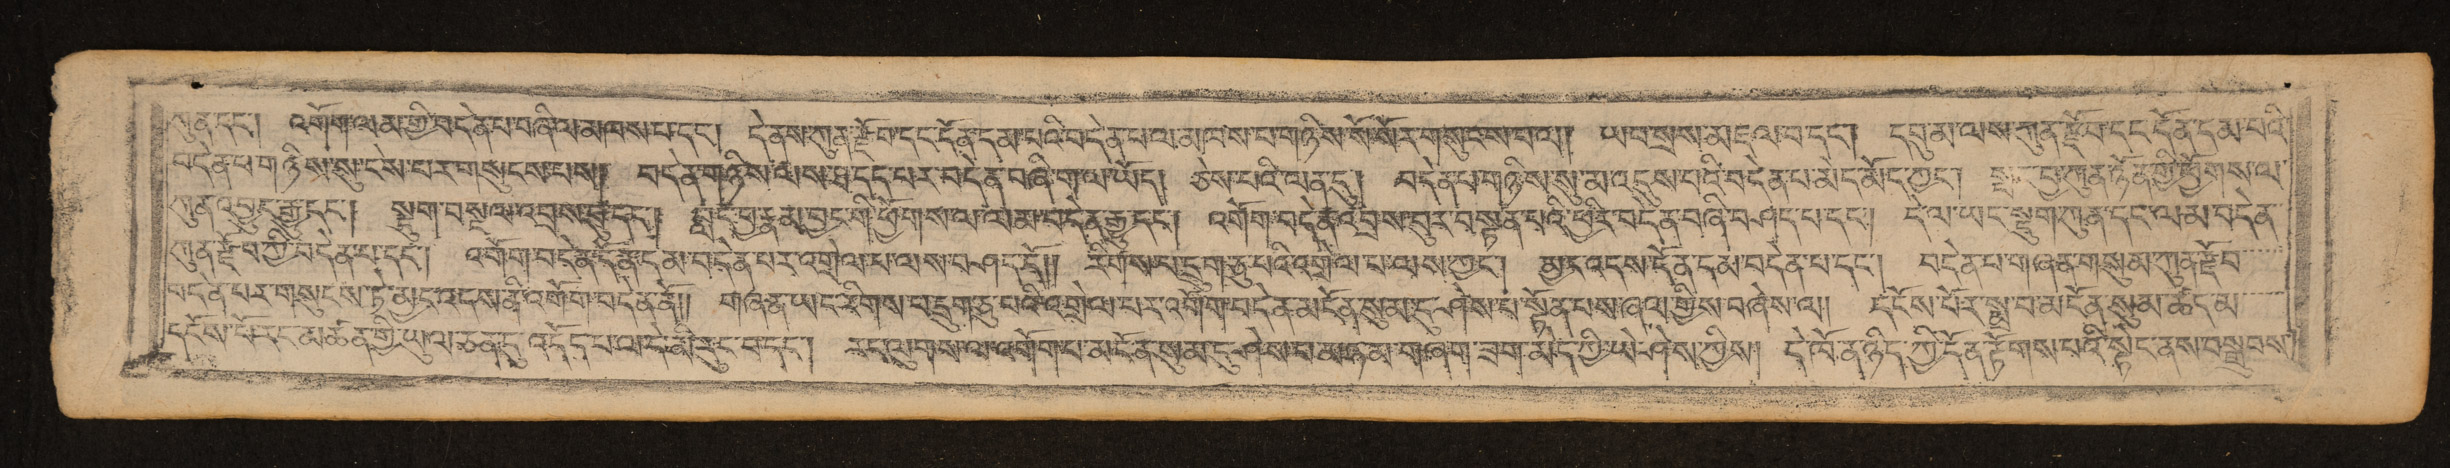ཀུན་དང་། འགོག་ལམ་གྱི་བདེན་པ་བཞི་ལ་མཁས་པ་དང་། དེ་ནས་ཀུན་རྫོབ་དང་དོན་དམ་པའི་བདེན་པ་ལ་མཁས་པ་གཉིས་སོ་སོར་གསུངས་པ་ལ། ཡབ་སྲས་མཇལ་བ་དང་། དབུ་མ་ལས་ཀུན་རྫོབ་དང་དོན་དམ་པའི་
བདེན་པ་གཉིས་སུ་ངེས་པར་གསུངས་པས། བདེན་གཉིས་ལས་ཐ་དད་པར་བདེན་བཞི་ག་ལ་ཡོད། ཅེས་པའི་ལན་དུ། བདེན་པ་གཉིས་སུ་མ་འདུས་པའི་བདེན་པ་མེད་མོད་ཀྱང་། སྤང་བྱ་ཀུན་ཉོན་གྱི་ཕྱོགས་ལ་
ཀུན་འབྱུང་རྒྱུ་དང་། སྡུག་བསྔལ་འབྲས་བུ་དང་། བླང་བྱ་རྣམ་བྱང་གི་ཕྱོགས་ལ་ལམ་བདེན་རྒྱུ་དང་། འགོག་བདེན་འབྲས་བུར་བསྟན་པའི་ཕྱིར་བདེན་བཞི་བཤད་པ་དང་། དེ་ལ་ཡང་སྡུག་ཀུན་དང་ལམ་བདེན་
ཀུན་རྫོབ་ཀྱི་བདེན་པ་དང་། འགོག་བདེན་དོན་དམ་བདེན་པར་འགྲེལ་པ་ལས་བཤད་དོ།། རིགས་པ་དྲུག་ཅུ་པའི་འགྲེལ་པ་ལས་ཀྱང་། མྱང་འདས་དོན་དམ་བདེན་པ་དང་། བདེན་པ་གཞན་གསུམ་ཀུན་རྫོབ་
བདེན་པར་གསུངས་ཏེ་མྱང་འདས་ནི་འགོག་བདེན་ནོ།། གཞན་ཡང་རིགས་པ་དྲུག་ཅུ་པའི་འགྲེལ་པར་འགོག་བདེན་མངོན་སུམ་དུ་ཤེས་པ་སྟོན་པས་ཞལ་གྱིས་བཞེས་ལ། དངོས་པོར་སྨྲ་བ་མངོན་སུམ་ཚད་མ་
དངོས་པོ་རང་མཚན་གྱི་ཡུལ་ཅན་དུ་འདོད་པ་ལ་དེ་མི་རུང་བ་དང་། རང་ལུགས་ལ་འགོག་པ་མངོན་སུམ་དུ་ཤེས་པ་མཉམ་གཞག་ཟག་མེད་ཀྱི་ཡེ་ཤེས་ཀྱིས། དེ་ཁོ་ན་ཉིད་ཀྱི་དོན་རྟོགས་པའི་སྟེང་ནས་བསྒྲུབས་